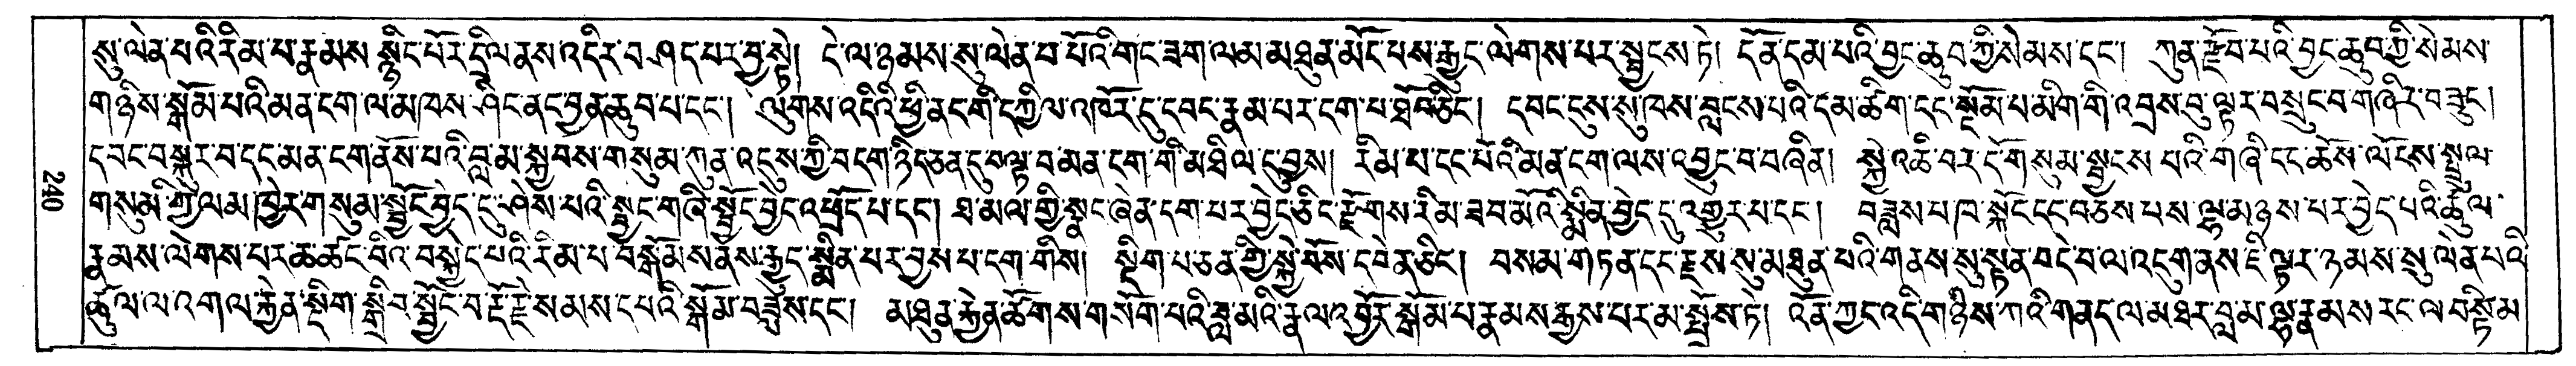སུ་ལེན་པའི་རིམ་པ་རྣམས་སྙིང་པོར་དྲིལ་ནས་འདིར་བཤད་པར་བྱ་སྟེ། དེ་ལ་ཉམས་སུ་ལེན་པ་པོའི་གང་ཟག་ལམ་མཐུན་མོང་བས་རྒྱུད་ལེགས་པར་སྦྱངས་ཏེ། དོན་དམ་པའི་བྱང་ཆུབ་ཀྱི་སེམས་དང་། ཀུན་རྫོབ་པའི་བྱང་ཆུབ་ཀྱི་སེམས་
གཉིས་སྒོམ་པའི་མན་ངག་ལ་མཁས་ཤིང་ནང་བྱང་ཆུབ་པ་དང་། ལུགས་འདིའི་ཕྱི་ནང་གི་དཀྱིལ་འཁོར་དུ་དབང་རྣམ་པར་དག་པ་ཐོབ་ཅིང་། དབང་ངུས་སུ་ཁས་བླངས་པའི་དམ་ཚིག་དང་སྔོམ་བ་མིག་གི་འབྲས་བུ་ལྟར་བསྲུང་བ་གཞིར་བཟུང་།
དབང་བསྐུར་བ་དང་མན་ངག་ནོས་པའི་བླ་མ་སྐྱབས་གསུམ་ཀུན་འདུས་ཀྱི་བདག་ཉིད་ཅན་དུ་བལྟ་བ་མན་ངག་གི་མཐིལ་དུ་བྱས། རིམ་པ་དང་པོའི་མན་ངག་ལས་འབྱུང་བ་བཞིན། སྐྱེ་འཆི་བར་དོ་གསུམ་སྦྱངས་པའི་གཞི་དང་ཆོས་ལོངས་སྤྲུལ་
གསུམ་གྱི་ལམ་ཁྱེར་གསུམ་སྤྱོང་བྱེད་དུ་ཤེས་པའི་སྦྱང་གཞི་སྦྱོང་བྱེད་འཕྲོད་པ་དང་། ཐ་མལ་གྱི་སྣང་ཞེན་དག་པར་བྱེད་ཅིང་རྫོགས་རིམ་ཟབ་མོའི་སྨིན་བྱེད་དུ་འགྱུར་བ་དང་། བཟླས་པ་ཁ་སྐོང་དང་བཅས་པས་ལྷ་མཉེས་པར་བྱེད་པའི་ཚུལ་
རྣམས་ལེགས་པར་ཆ་ཚང་བའི་བསྐྱེད་པའི་རིམ་པ་བསྒོམས་ནས་རྒྱུད་སྨིན་པར་བྱས་པ་ངག་གིས། སྡིག་པ་ཅན་གྱི་སྐྱེ་བོས་དབེན་ཅིང་། བསམ་གཏན་དང་རྗེས་སུ་མཐུན་པའི་གནས་སུ་སྟན་བདེ་བ་ལ་འདུག་ནས་ཇི་ལྟར་ཉམས་སུ་ལེན་པའི་
ཚུལ་ལ་འགལ་རྐྱེན་སྡིག་སྒྲིབ་སྦྱོང་བ་རྡོ་རྗེ་སེམས་དཔའི་སྒོམ་བཟླས་དང་། མཐུན་རྐྱེན་ཚོགས་གསོག་པའི་བླ་མའི་རྣལ་འབྱོར་སྒོམ་པ་རྣམས་རྒྱས་པར་མ་སྤྲོས་ཏེ། འོན་ཀྱང་འདི་གཉིས་ཀའི་གནད་ལ་མཐར་བླ་མ་ལྷ་རྣམས་རང་ལ་བསྟིམ་